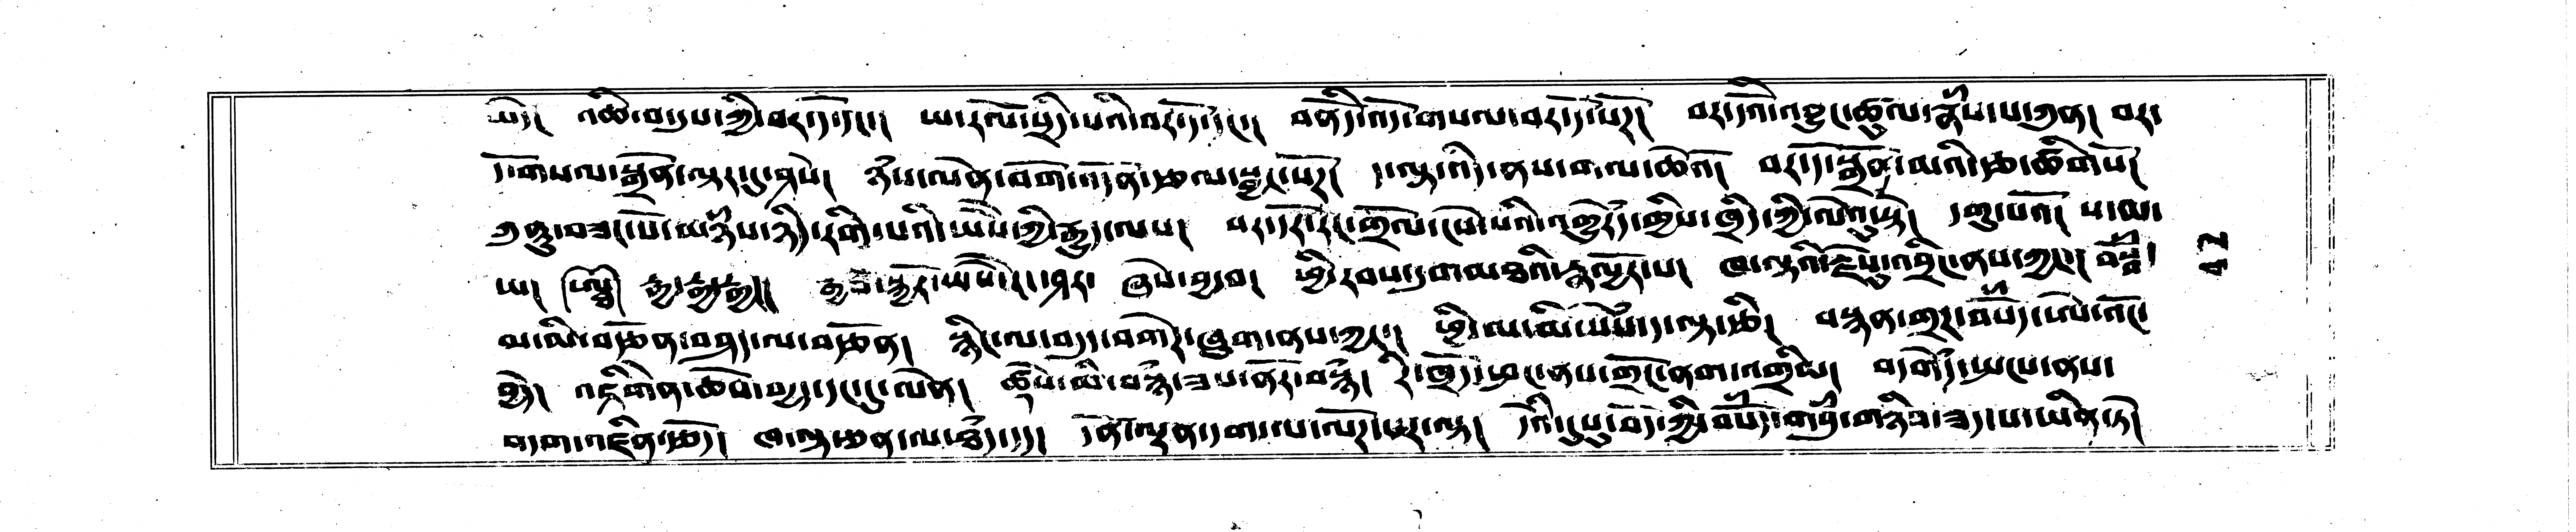མེད། འཆི་བ་དུས་ཀྱི་བར་དོ་དང་། ཕ་རོལ་སྲིད་པའི་བར་དོ་དང་། བོན་ཉིད་འོད་གསལ་བར་དོ་སོགས། བར་དོའི་འབྱུང་ཚུལ་རྣམ་པ་ཀུན། བར་
དོ་གསལ་སྒྲོན་ལྟར་དུ་ཤེས། ཉམས་ལེན་བོགས་འདོན་རྩལ་སྦྱངས་སོགས། ད་ལྟ་འདི་ནས་གལ་ཆེའོ། །བར་དོ་སྒྲོན་མའི་རྩ་ཚིག་གོ །
ཀུན་ཏུ་བཟང་པོ་མཉམ་ཉིད་རིག་པའི་ཡེ་ཤེས་ཀྱི་རྒྱུད་ལས། བར་དོ་རང་གྲོལ་ངེས་པའི་འགྱུར་མེད་ཀྱི་ཁྲིད་ཀྱི་ལེའུ་སྟེ་དགུ་པའོ། །ས་མ་
ཡ།༼ཨྠི༽ རྒྱ་རྒྱ་རྒྱ། །རྒྱབ་སྐྱོར་ཡེ་ཤེས་རང་ཤར་ཞེས་བྱ་བ། ཕྱི་རབས་དུས་མཐའི་རྣལ་འབྱོར་པ། ཁ་ལྟའི་རྗེས་སུ་འབྲེངས་ནས་ཀྱང་། བསྒོམ་
ལ་མི་བརྩོན་བཤད་ལ་བརྩོན། སྙིང་ལ་བདུད་བགེགས་ཞུགས་ནས་ཀྱང་། ཕྱི་མ་མི་སེམས་ད་ལྟ་བརྩི། སྙན་གྲགས་བསོད་ནམས་ཨེ་འོང་
བྱེད། འཇིག་རྟེན་ཆོས་བརྒྱད་དང་དུ་ལེན། ཚེ་འདས་མི་སྙམ་ཟས་ནོར་སྙམ། རི་ཁྲོད་སྤངས་ནས་གྲོང་ནག་འགྲིམས། བདག་མེད་སྤངས་ནས་
བདག་འཛིན་རྩོད། ཁ་ཏ་ཅན་ལ་ཐམས་ཅད་དད། དོན་ལྡན་དག་ལ་ལོག་པར་ལྟ། དེའི་དུས་སུ་བོད་ཀྱི་བསོད་ནམས་སུམ་གཉིས་ཟད་པ་ཡིན་ཏེ།